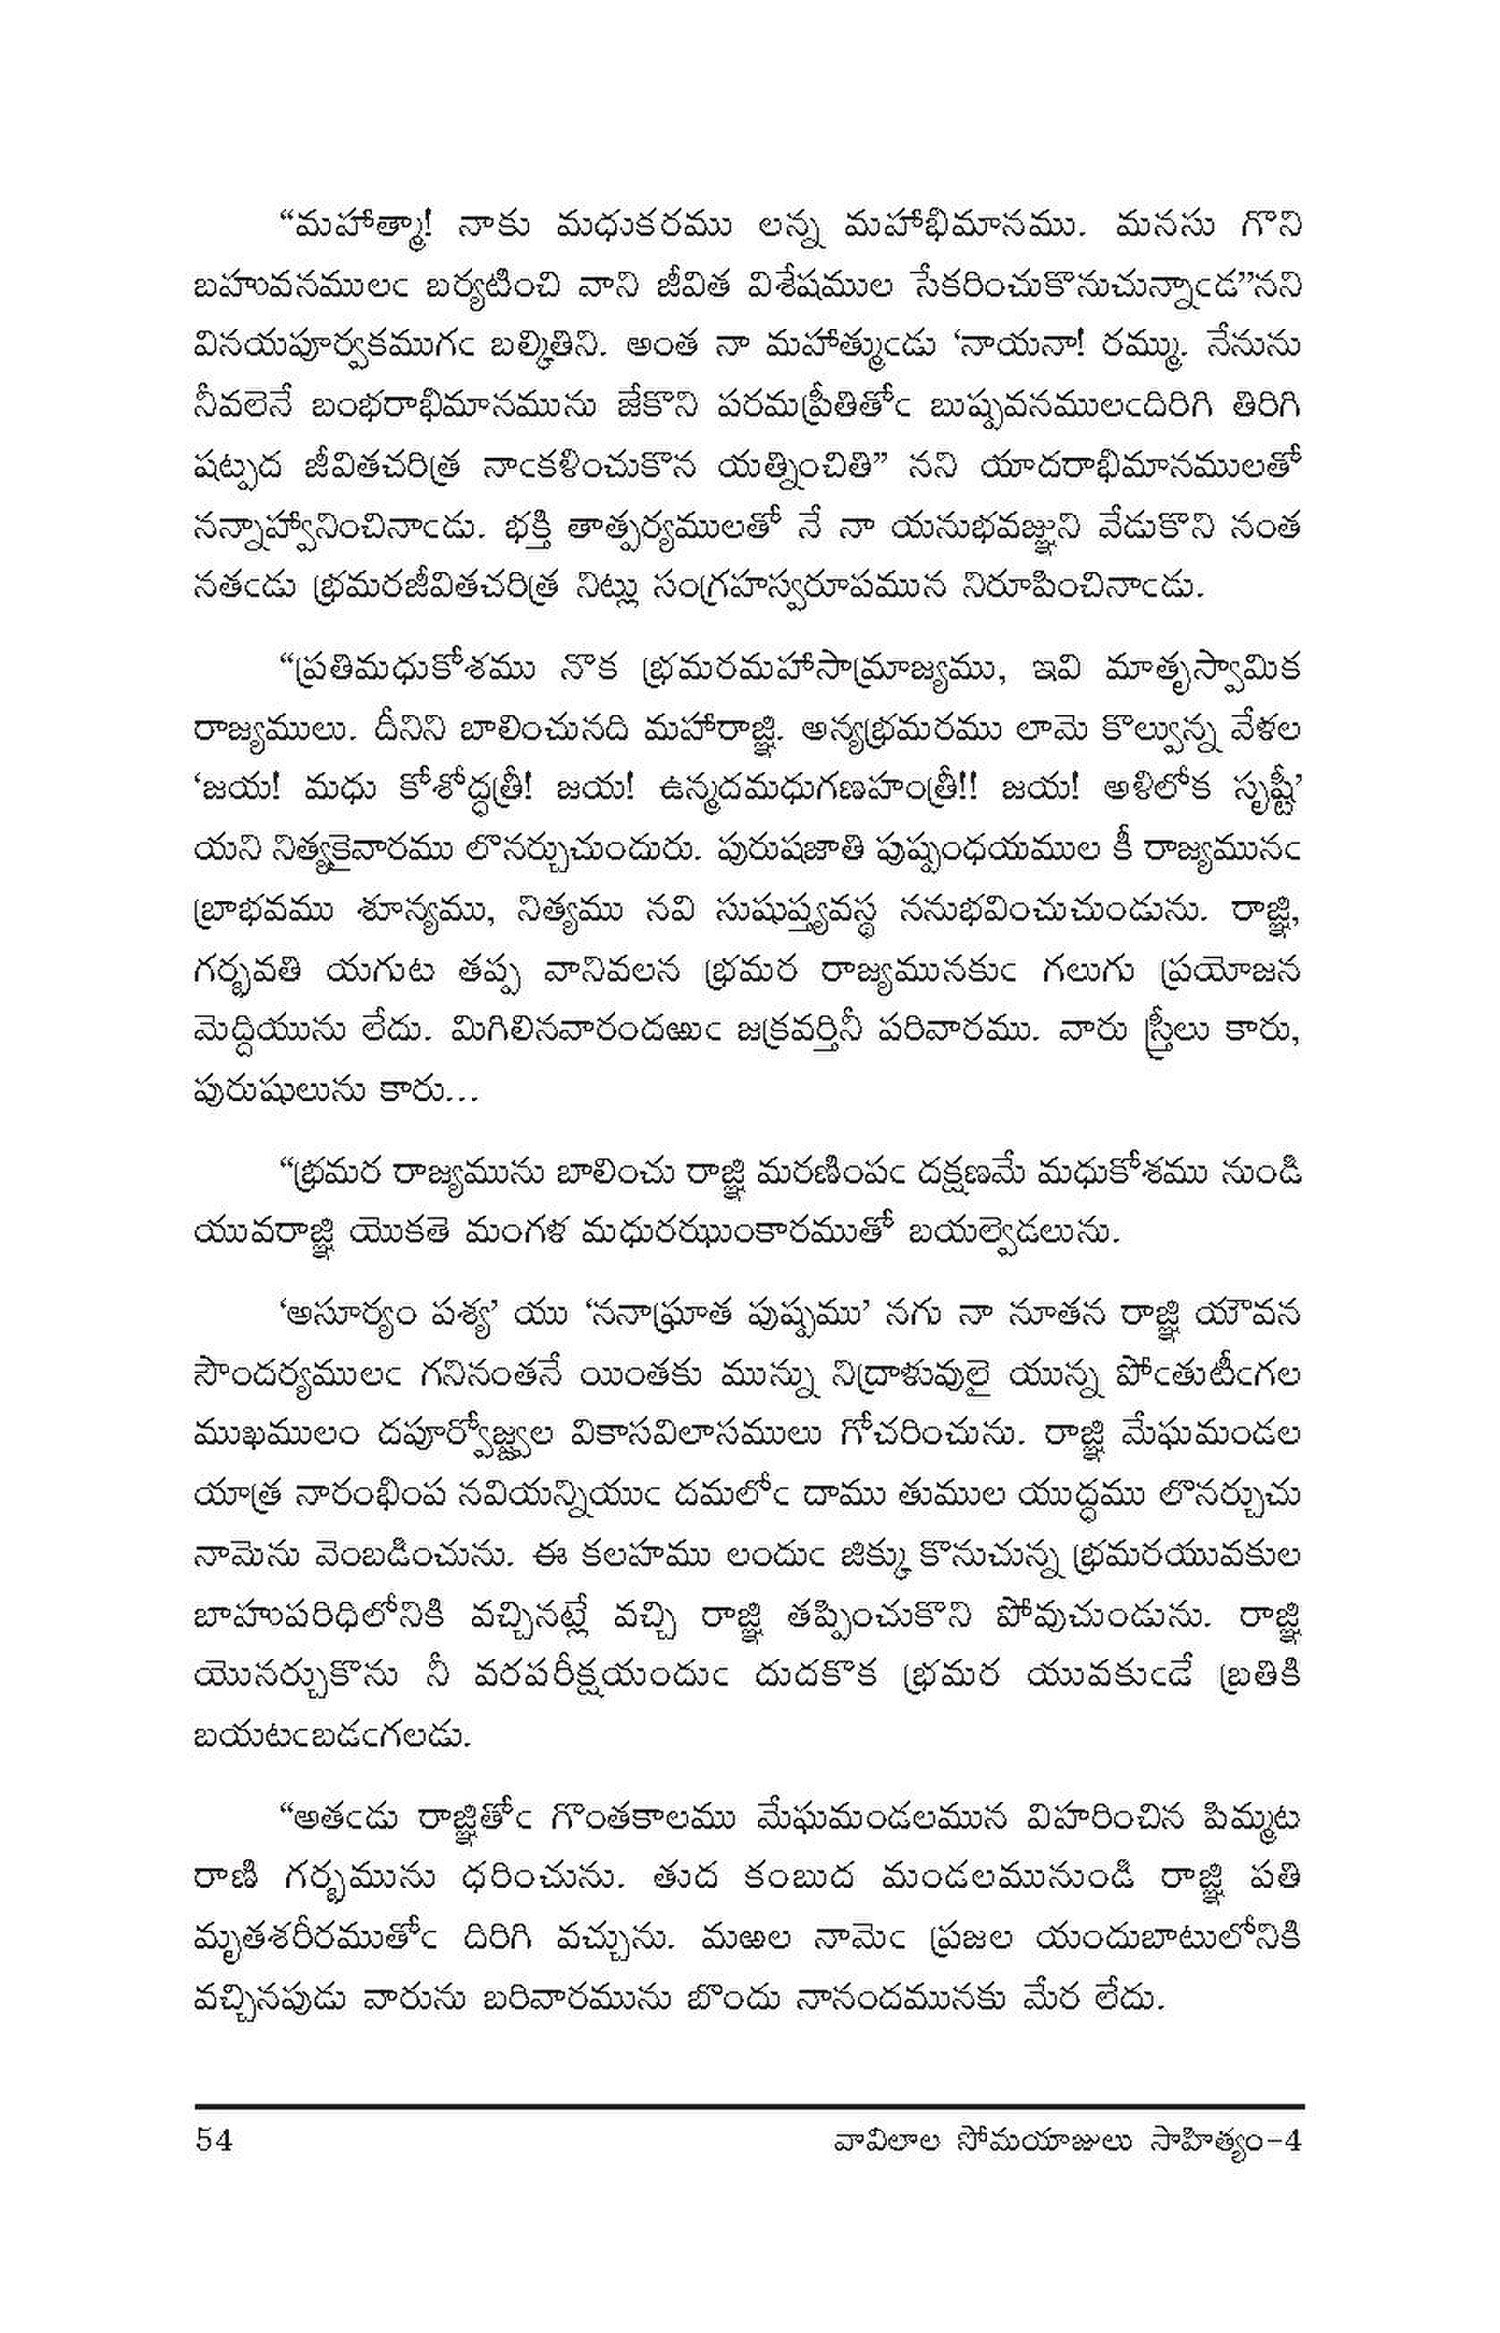“మహాత్మా! నాకు మధుకరము లన్న మహాభిమానము. మనసు గొని
బహువనములఁ బర్యటించి వాని జీవిత విశేషముల సేకరించుకొనుచున్నాఁడ”నని
వినయపూర్వకముగఁ బల్కితిని. అంత నా మహాత్ముఁడు 'నాయనా! రమ్ము. నేనును
నీవలెనే బంభరాభిమానమును జేకొని పరమప్రీతితోఁ బుష్పవనములఁదిరిగి తిరిగి
షట్పద జీవితచరిత్ర నాఁకళించుకొన యత్నించితి" నని యాదరాభిమానములతో
నన్నాహ్వానించినాఁడు. భక్తి తాత్పర్యములతో నే నా యనుభవజ్ఞుని వేడుకొని నంత
నతఁడు భ్రమరజీవితచరిత్ర నిట్లు సంగ్రహస్వరూపమున నిరూపించినాఁడు.

"ప్రతిమధుకోశము నొక భ్రమరమహాసామ్రాజ్యము, ఇవి మాతృస్వామిక
రాజ్యములు. దీనిని బాలించునది మహారాజ్ఞి. అన్యభ్రమరము లామె కొల్వున్న వేళల
'జయ! మధు కోశోద్ధత్రీ! జయ! ఉన్మదమధుగణహంత్రీ!! జయ! అళిలోక సృష్టి'
యని నిత్యకైవారము లొనర్చుచుందురు. పురుషజాతి పుష్పంధయముల కీ రాజ్యమునఁ
బ్రాభవము శూన్యము, నిత్యము నవి సుషుప్త్యవస్థ ననుభవించుచుండును. రాజ్ఞి,
గర్భవతి యగుట తప్ప వానివలన భ్రమర రాజ్యమునకుఁ గలుగు ప్రయోజన
మెద్దియును లేదు. మిగిలినవారందఱుఁ జక్రవర్తినీ పరివారము. వారు స్త్రీలు కారు,
పురుషులును కారు...

"భ్రమర రాజ్యమును బాలించు రాజ్ఞి మరణింపఁ దక్షణమే మధుకోశము నుండి
యువరాజ్ఞి యొకతె మంగళ మధురఝుంకారముతో బయల్వెడలును.

'అసూర్యం పశ్య' యు 'ననాఘ్రాత పుష్పము' నగు నా నూతన రాజ్ఞి యౌవన
సౌందర్యములఁ గనినంతనే యింతకు మున్ను నిద్రాళువులై యున్న పోఁతుటీఁగల
ముఖములం దపూర్వోజ్జ్వల వికాసవిలాసములు గోచరించును. రాజ్ఞి మేఘమండల
యాత్ర నారంభింప నవియన్నియుఁ దమలోఁ దాము తుముల యుద్ధము లొనర్చుచు
నామెను వెంబడించును. ఈ కలహము లందుఁ జిక్కు కొనుచున్న భ్రమరయువకులు
బాహుపరిధిలోనికి వచ్చినట్లే వచ్చి రాజ్ఞి తప్పించుకొని పోవుచుండును. రాజ్ఞి
యొనర్చుకొను నీ వరపరీక్షయందుఁ దుదకొక భ్రమర యువకుఁడే బ్రతికి
బయటఁబడగలడు.

“అతఁడు రాజ్ఞితో గొంతకాలము మేఘమండలమున విహరించిన పిమ్మట
రాణి గర్భమును ధరించును. తుద కంబుద మండలమునుండి రాజ్ఞి పతి
మృతశరీరముతోఁ దిరిగి వచ్చును. మఱల నామెఁ ప్రజల యందుబాటులోనికి
వచ్చినపుడు వారును బరివారమును బొందు నానందమునకు మేర లేదు.